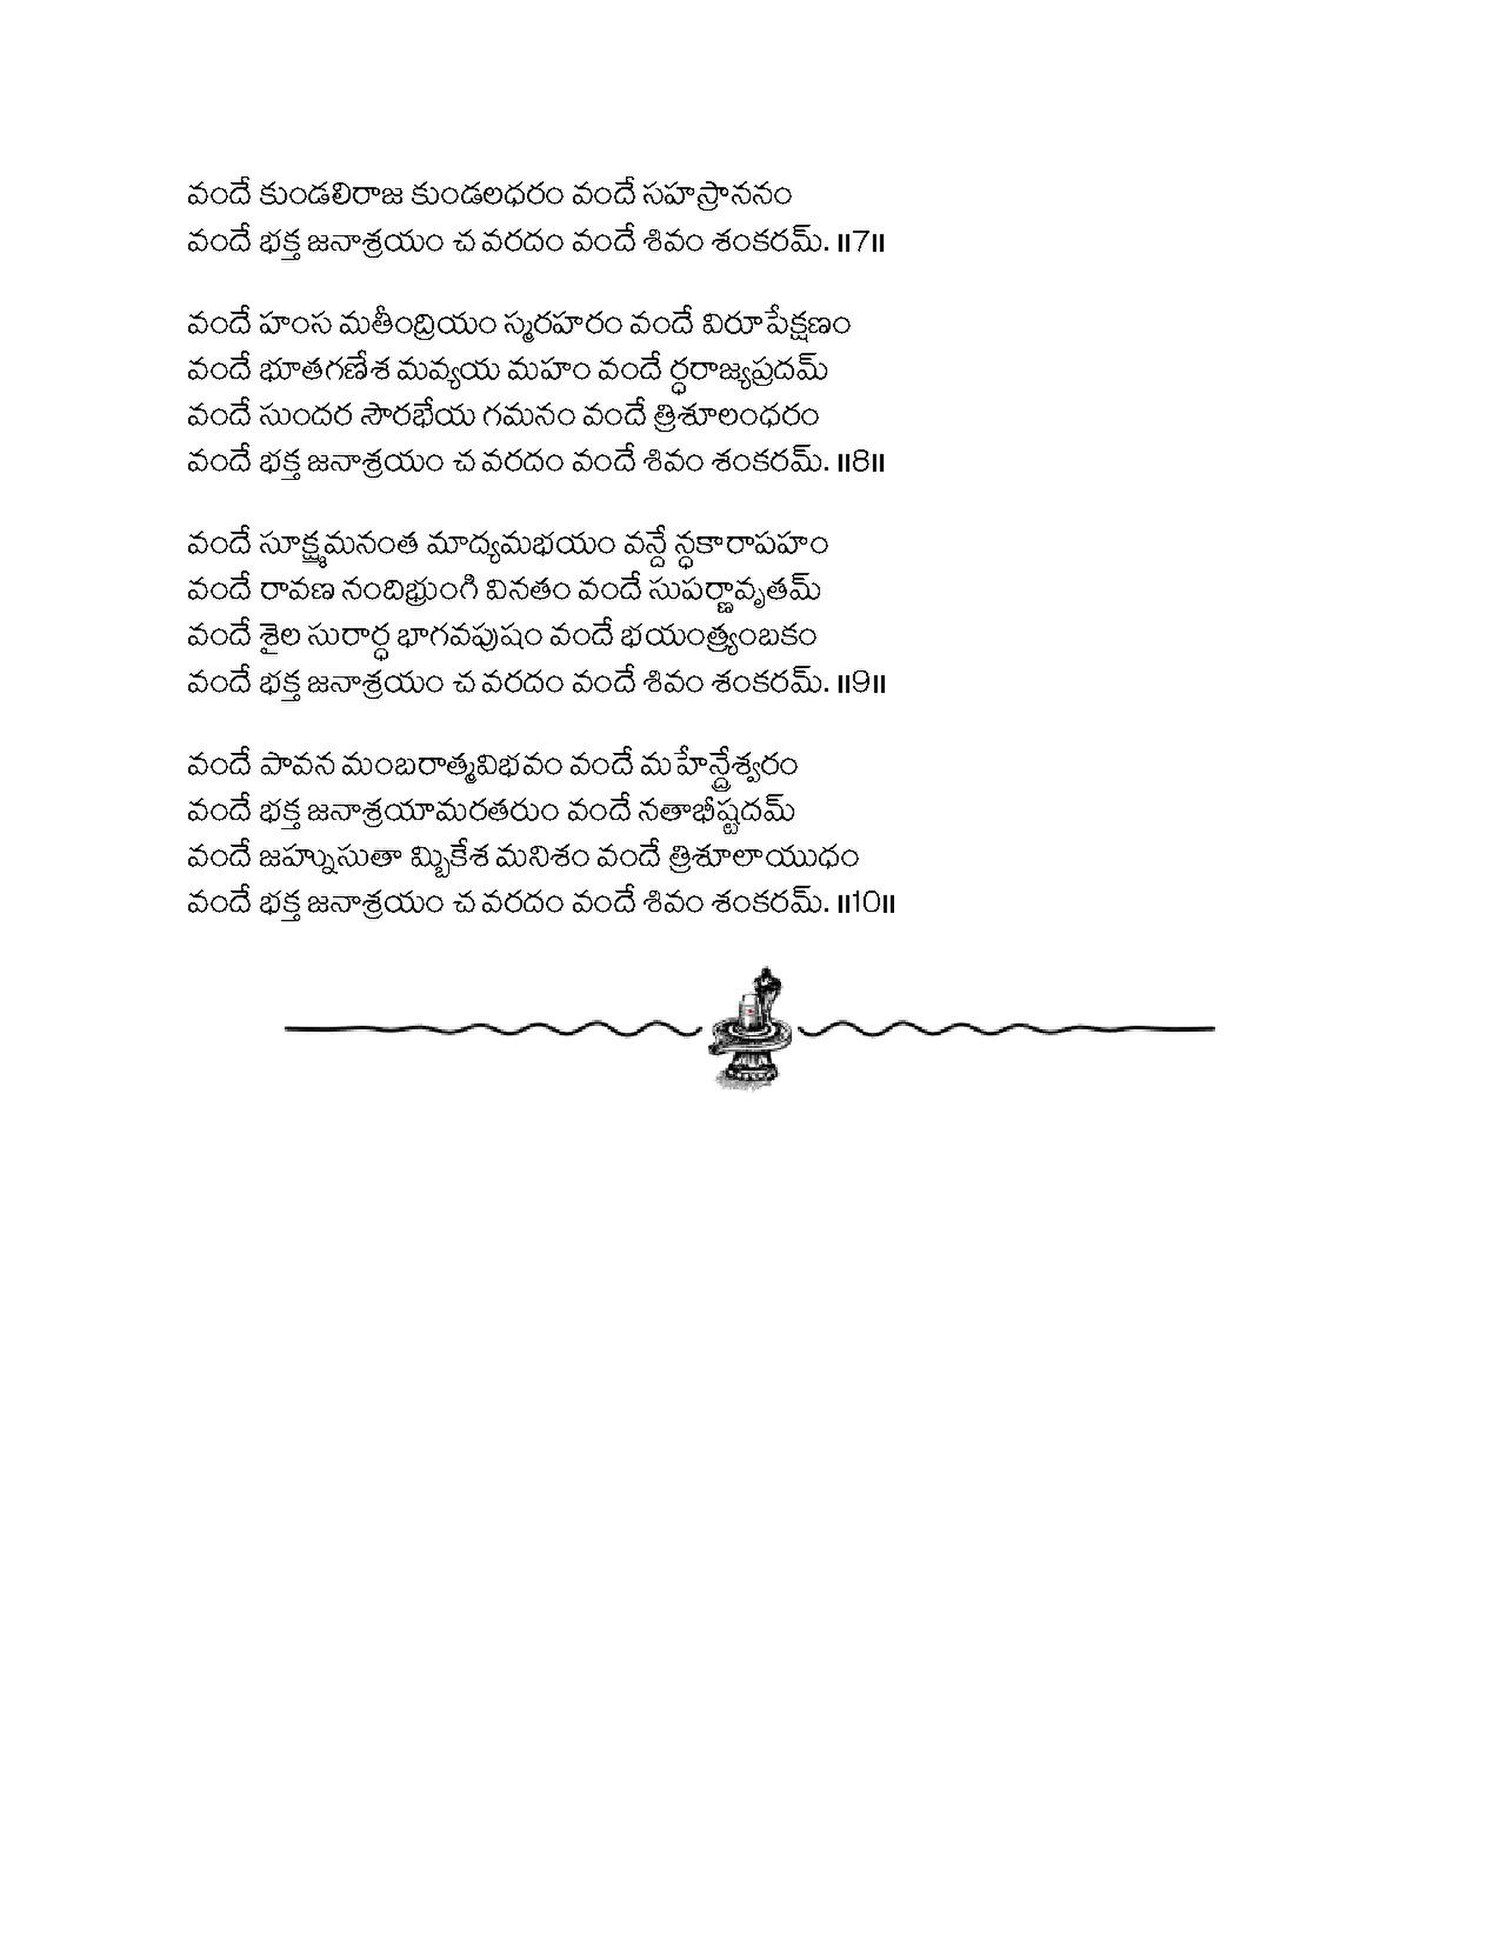వందే కుండలిరాజ కుండలధరం వందే సహస్రాననం
వందే భక్త జనాశ్రయం చ వరదం వందే శివం శంకరమ్. ||7||

వందే హంస మతీంద్రియం స్మరహరం వందే విరూపేక్షణం
వందే భూతగణేశ మవ్యయ మహం వందే ర్ధరాజ్యప్రదమ్
వందే సుందర సౌరభేయ గమనం వందే త్రిశూలంధరం
వందే భక్త జనాశ్రయం చ వరదం వందే శివం శంకరమ్. ||8||

వందే సూక్ష్మమనంత మాద్యమభయం వన్దే న్ధకారాపహం
వందే రావణ నంది భ్రుంగి వినుతం వందే సుపర్ణావృతమ్
వందే శైల సురార్ధ భాగవపుషం వందే భయంత్య్రంబకం
వందే భక్త జనాశ్రయం చ వరదం వందే శివం శంకరమ్. ||9||

వందే పావన మంబరాత్మవిభవం వందే మహేన్డ్రేశ్వరం
వందే భక్త జనాశ్రయామరతరుం వందే నతాభీష్టదమ్
వందే జహ్నుసుతా మ్బికేశ మనిశం వందే త్రిశూలాయుధం
వందే భక్త జనాశ్రయం చ వరదం వందే శివం శంకరమ్. ||10||